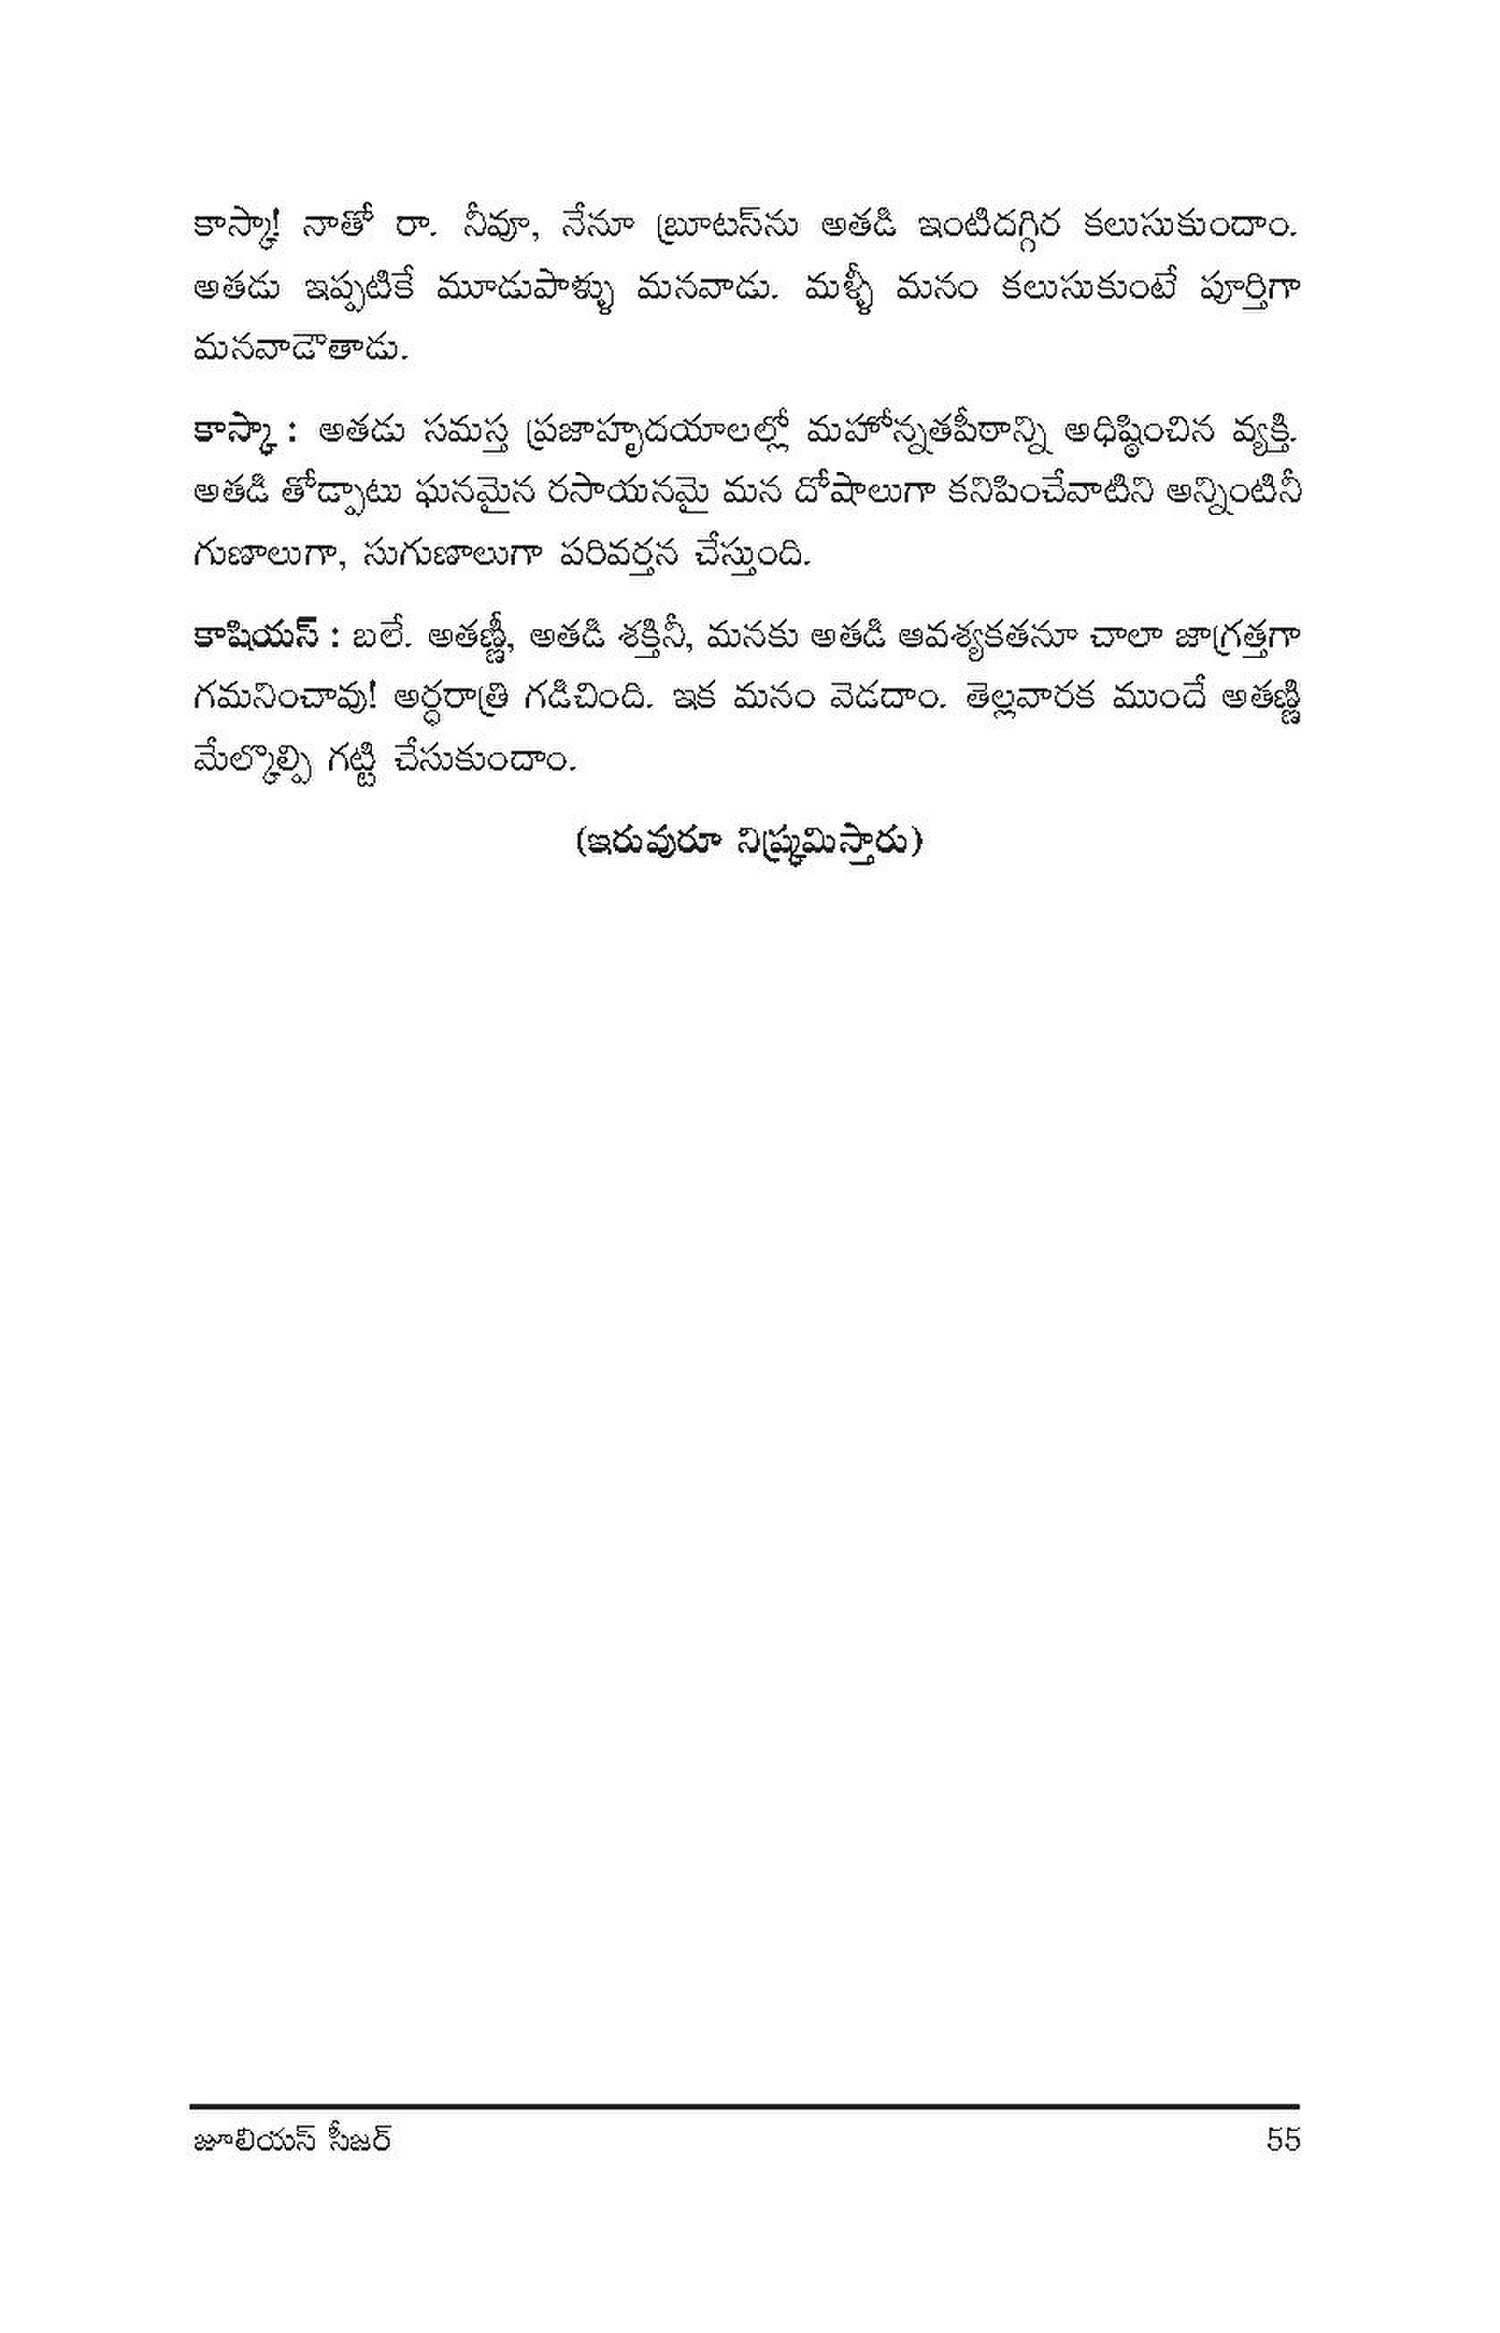కాస్కా! నాతో రా. నీవూ, నేనూ బ్రూటస్ ను అతడి ఇంటిదగ్గర కలుసుకుందాం. అతడు ఇప్పటికే మూడుపాళ్ళు మనవాడు. మళ్ళీ మనం కలుసుకుంటే పూర్తిగా మనవాడౌతాడు.

కాస్కా : అతడు సమస్త ప్రజాహృదయాలల్లో మహోన్నతపీఠాన్ని అధిష్ఠించిన వ్యక్తి. అతడి తోడ్పాటు ఘనమైన రసాయనమై మన దోషాలుగా కనిపించేవాటిని అన్నింటినీ గుణాలుగా, సుగుణాలుగా పరివర్తన చేస్తుంది.

కాషియస్ : బలే. అతణీ, అతడి శక్తినీ, మనకు అతడి అవశ్యకతనూ చాలా జాగ్రత్తగా గమనించావు! అర్ధరాత్రి గడిచింది. ఇక మనం వెడదాం. తెల్లవారక ముందే అతణ్ణి మేల్కొల్పి గట్టి చేసుకుందాం.